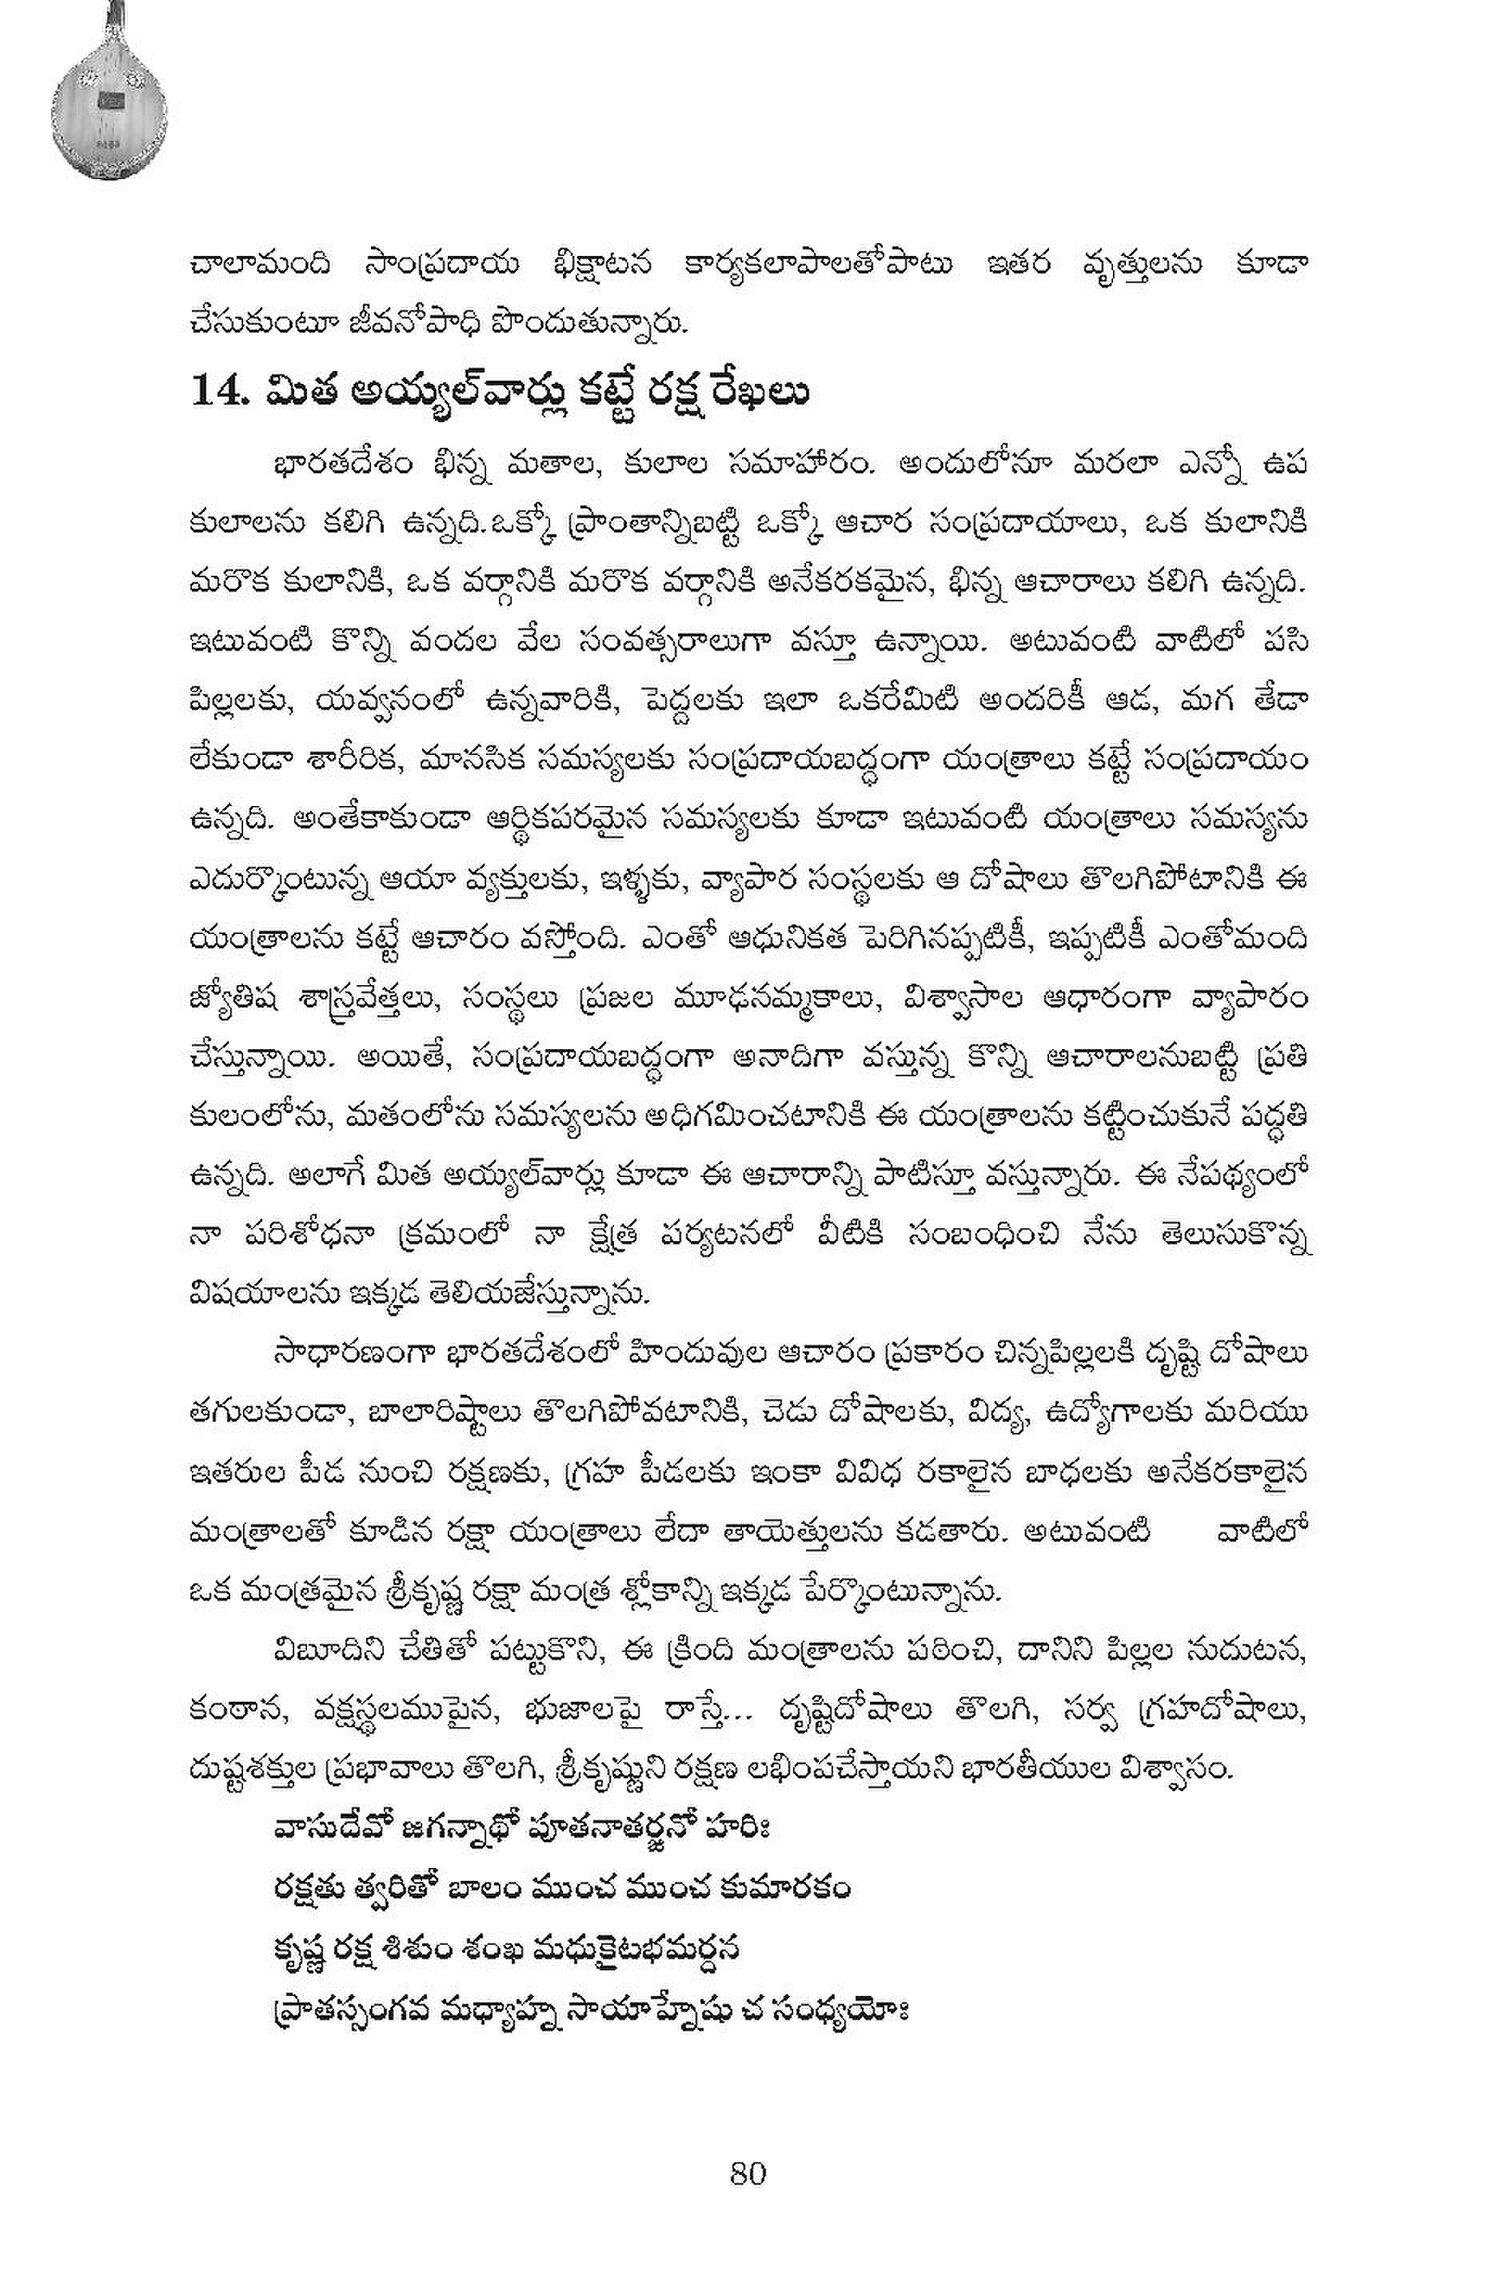చాలామంది సాంప్రదాయ భిక్షాటన కార్యకలాపాలతోపాటు ఇతర వృత్తులను కూడా చేసుకుంటూ జీవనోపాధి పొందుతున్నారు.

14. మిత అయ్యల్వార్లు కట్టే రక్ష రేఖలు 

భారతదేశం భిన్న మతాల, కులాల సమాహారం. అందులోనూ మరలా ఎన్నో ఉప కులాలను కలిగి ఉన్నది. ఒక్కో ప్రాంతాన్నిబట్టి ఒక్కో ఆచార సంప్రదాయాలు, ఒక కులానికి మరొక కులానికి, ఒక వర్గానికి మరొక వర్గానికి అనేకరకమైన, భిన్న ఆచారాలు కలిగి ఉన్నది. ఇటువంటి కొన్ని వందల వేల సంవత్సరాలుగా వస్తూ ఉన్నాయి. అటువంటి వాటిలో పసి
పిల్లలకు, యవ్వనంలో ఉన్నవారికి, పెద్దలకు ఇలా ఒకరేమిటి అందరికీ ఆడ, మగ తేడా లేకుండా శారీరిక, మానసిక సమస్యలకు సంప్రదాయబద్ధంగా యంత్రాలు కట్టే సంప్రదాయం ఉన్నది. అంతేకాకుండా ఆర్థికపరమైన సమస్యలకు కూడా ఇటువంటి యంత్రాలు సమస్యను ఎదుర్కొంటున్న ఆయా వ్యక్తులకు, ఇళ్ళకు, వ్యాపార సంస్థలకు ఆ దోషాలు తొలగి పోటానికి ఈ యంత్రాలను కట్టే ఆచారం వస్తోంది. ఎంతో ఆధునికత పెరిగినప్పటికీ, ఇప్పటికీ ఎంతోమంది జ్యోతిష శాస్త్రవేత్తలు, సంస్థలు ప్రజల మూఢనమ్మకాలు, విశ్వాసాల ఆధారంగా వ్యాపారం చేస్తున్నాయి. అయితే, సంప్రదాయ బద్ధంగా అనాదిగా వస్తున్న కొన్ని ఆచారాలనుబట్టి ప్రతి కులంలోను, మతంలోను సమస్యలను అధిగమించటానికి ఈ యంత్రాలను కట్టించుకునే పద్ధతి ఉన్నది. అలాగే మిత అయ్యల్వార్లు కూడా ఈ ఆచారాన్ని పాటిస్తూ వస్తున్నారు. ఈ నేపథ్యంలో నా పరిశోధనా క్రమంలో నా క్షేత్ర పర్యటనలో వీటికి సంబంధించి నేను తెలుసుకొన్న విషయాలను ఇక్కడ తెలియజేస్తున్నాను.

సాధారణంగా భారతదేశంలో హిందువుల ఆచారం ప్రకారం చిన్నపిల్లలకి దృష్టి దోషాలు తగులకుండా, బాలారిష్టాలు తొలగిపోవటానికి, చెడు దోషాలకు, విద్య, ఉద్యోగాలకు మరియు ఇతరుల పీడ నుంచి రక్షణకు, గ్రహ పీడలకు ఇంకా వివిధ రకాలైన బాధలకు అనేకరకాలైన మంత్రాలతో కూడిన రక్షా యంత్రాలు లేదా తాయెత్తులను కడతారు. అటువంటి వాటిలో ఒక మంత్రమైన శ్రీకృష్ణ రక్షా మంత్ర శ్లోకాన్ని ఇక్కడ పేర్కొంటున్నాను.

విబూదిని చేతితో పట్టుకొని, ఈ క్రింది మంత్రాలను పఠించి, దానిని పిల్లల నుదుటన, కంఠాన, వక్షస్థలముపైన, భుజాలపై రాస్తే... దృష్టిదోషాలు తొలగి, సర్వ గ్రహదోషాలు, దుష్టశక్తుల ప్రభావాలు తొలగి, శ్రీకృష్ణుని రక్షణ లభింపచేస్తాయని భారతీయుల విశ్వాసం.

వాసుదేవో జగన్నాథో పూతనాతర్జనో హరిః
రక్షతు త్వరితో బాలం ముంచ ముంచ కుమారకం
కృష్ణ రక్ష శిశుం శంఖ మధుకైటభమర్దన
ప్రాతస్సంగవ మధ్యాహ్న సాయాహ్నేషు చ సంధ్యయోః